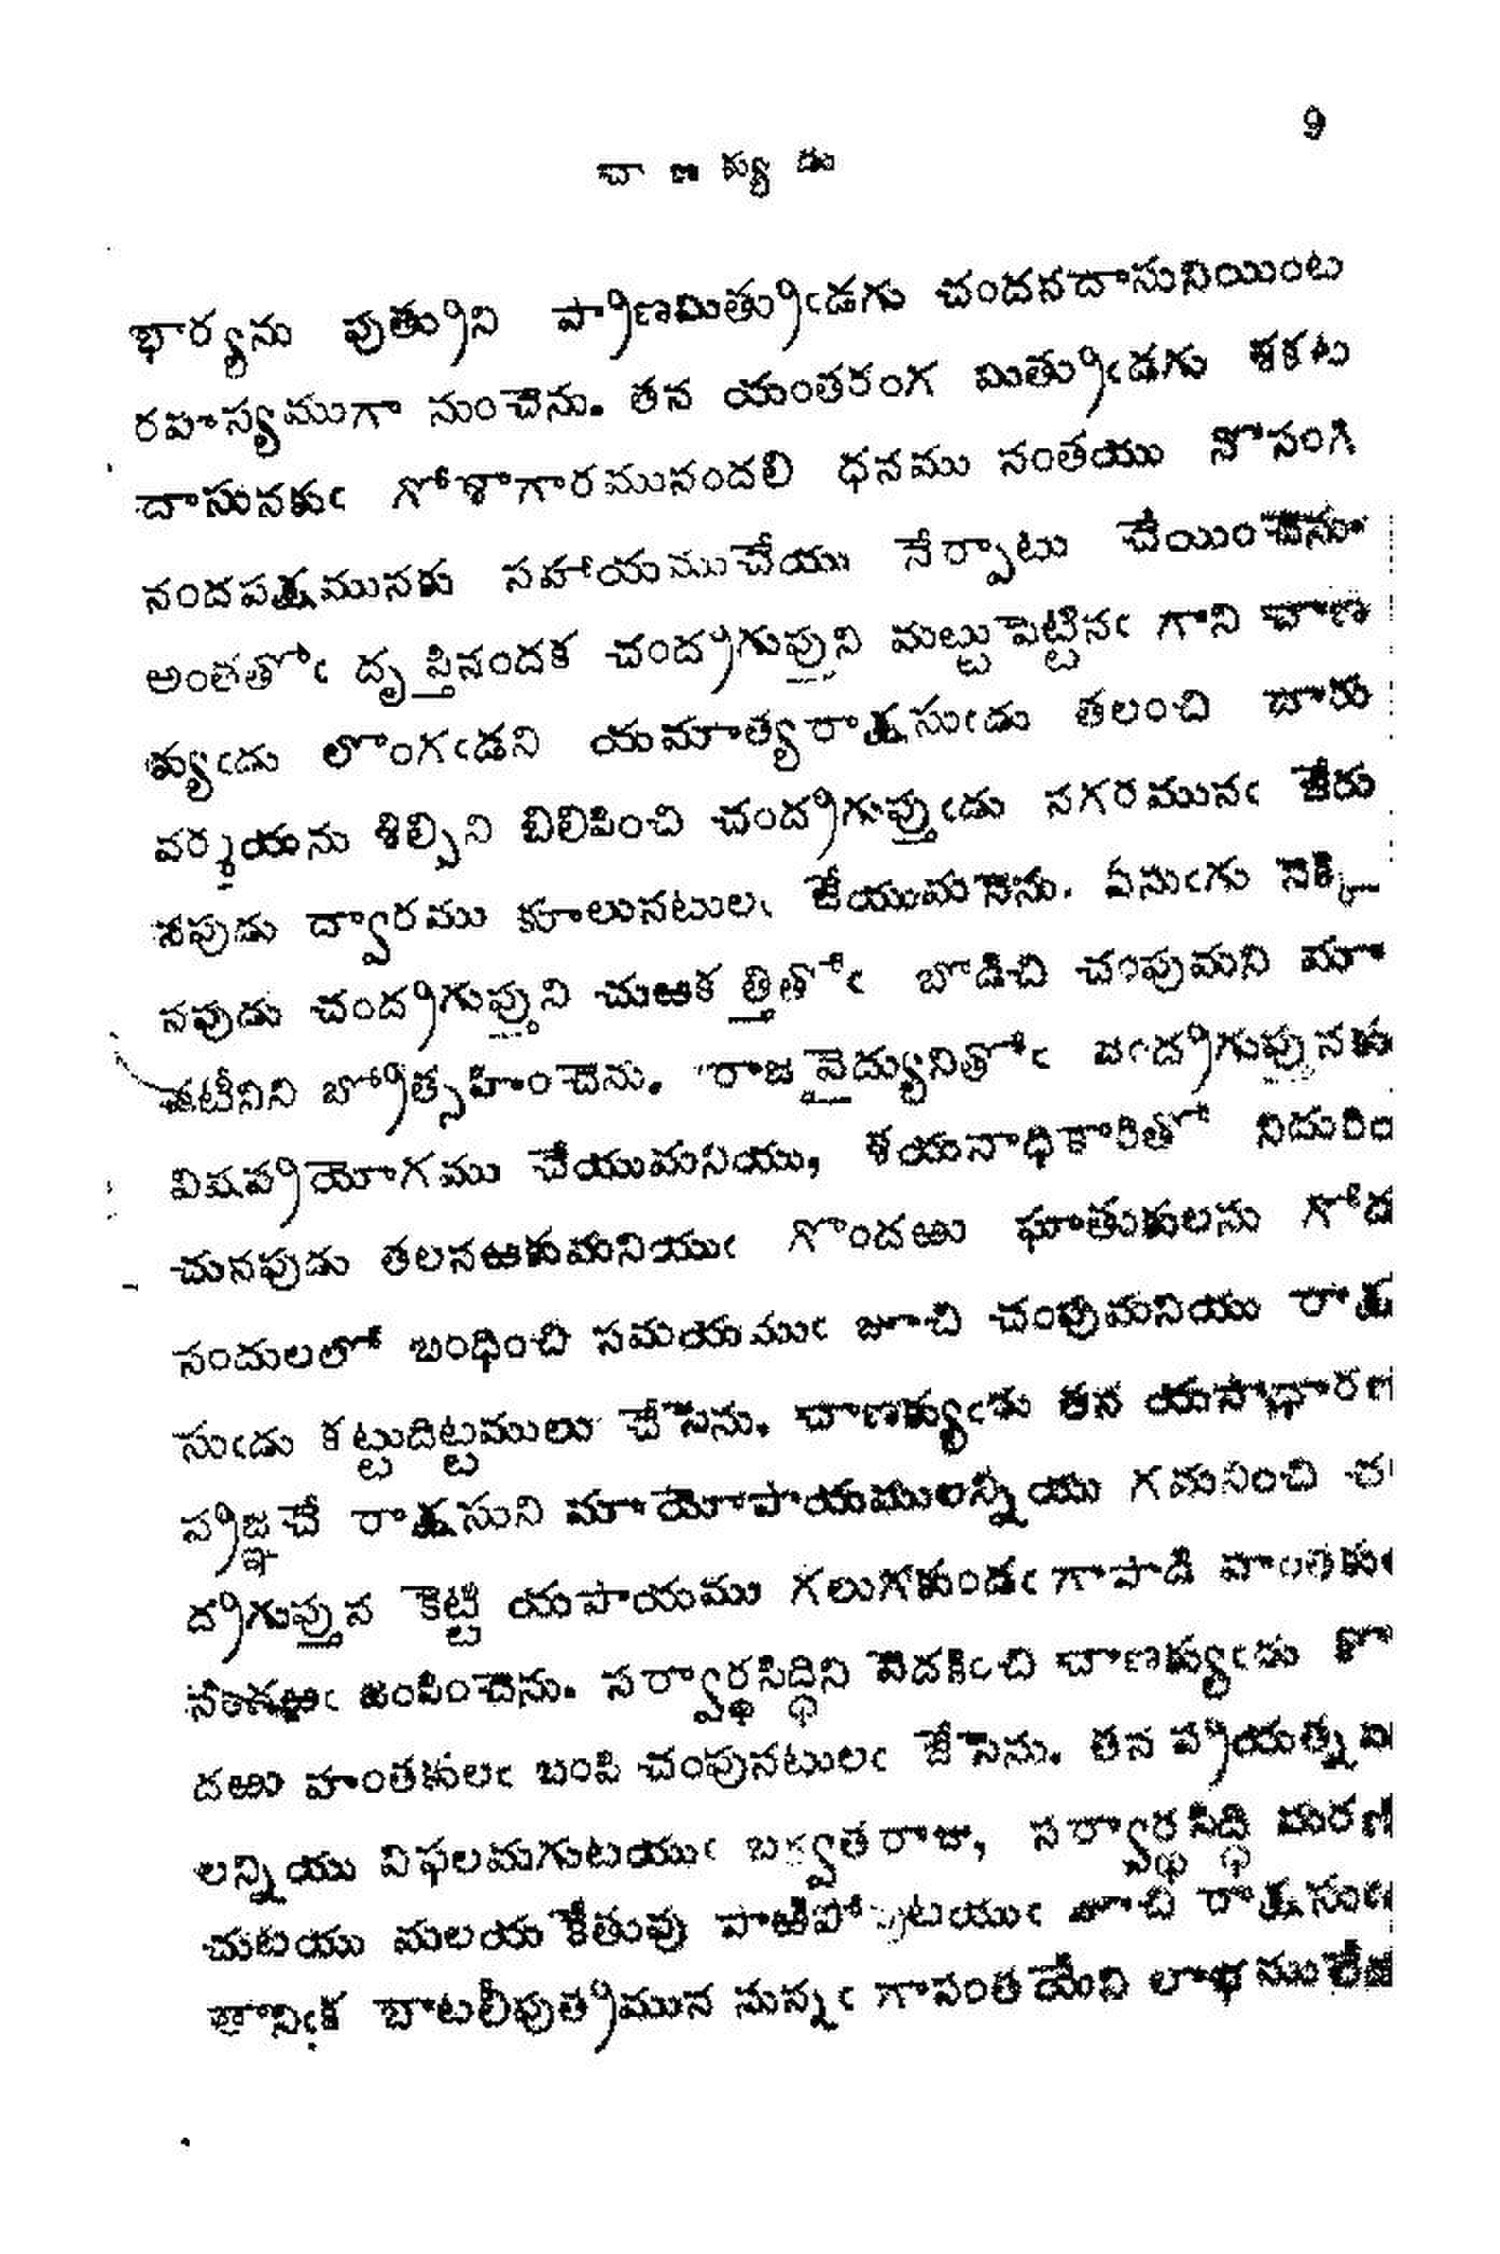భార్యను పుత్రుని ప్రాణమిత్రుడగు చందనదాసునియింట రహస్యముగా నుంఛెను. తన యంతరంగ మిత్రుడగు శకటదాసునకు గోశాగారమునందలి ధనము నంతయు నొసంగి నందపక్షమునకు సహాయముచేయు నేర్పాటు చేయించెను. అంతతో దృప్తినందక చంద్రగుప్తుని మట్టుపెట్టిన గాని చాణక్యుడు లొంగడని యమాత్యరాక్షసుడు తలంచి దారు వర్మయను శిల్పిని బిలిపించి చంద్రగుప్తుడు నగరమున జేరునపుడు ద్వారము కూలునటుల జేయుమనెను. ఏనుగు నెక్కి నపుడు చంద్రగుప్తుని చుఱకత్తితో బొడిచి చంపుమని మావటీనిని బ్రోత్సహించెను. రాజవైద్యునితో జంద్రగుప్తునకు విషప్రయోగము చేయుమనియు, శయనాధికారితో నిదురించునపుడు తలనఱకు మనియు గొందఱు ఘాతుకులను గోడ సందులలో బంధించి సమయము జూచి చంపుమనియు రాక్షసుడు కట్టుదిట్టములు చేసెను. చాణక్యుడు తన యసాధారణ ప్రజ్ఞచే రాక్షసుని మాయోపాయము లన్నియు గమనించి చంద్రగుప్తున కెట్టి యపాయము గలుగకుండ గాపాడి హంతకుల నందఱ జంపించెను. సర్వార్థసిద్ధిని వెదకించి చాణక్యుడు కొందఱు హంతకుల బంపి చంపునటుల జేసెను. తన ప్రయత్నము లన్నియు విఫలమగుటయు బర్వతరాజు, సర్వార్థసిద్ధి మరణించుటయు మలయ కేతువు పాఱిపోవుటయు జూచి రాక్షసుడు తాన్విక బాటలీపుత్రమున నున్న గావంతయేని లాభములేదని